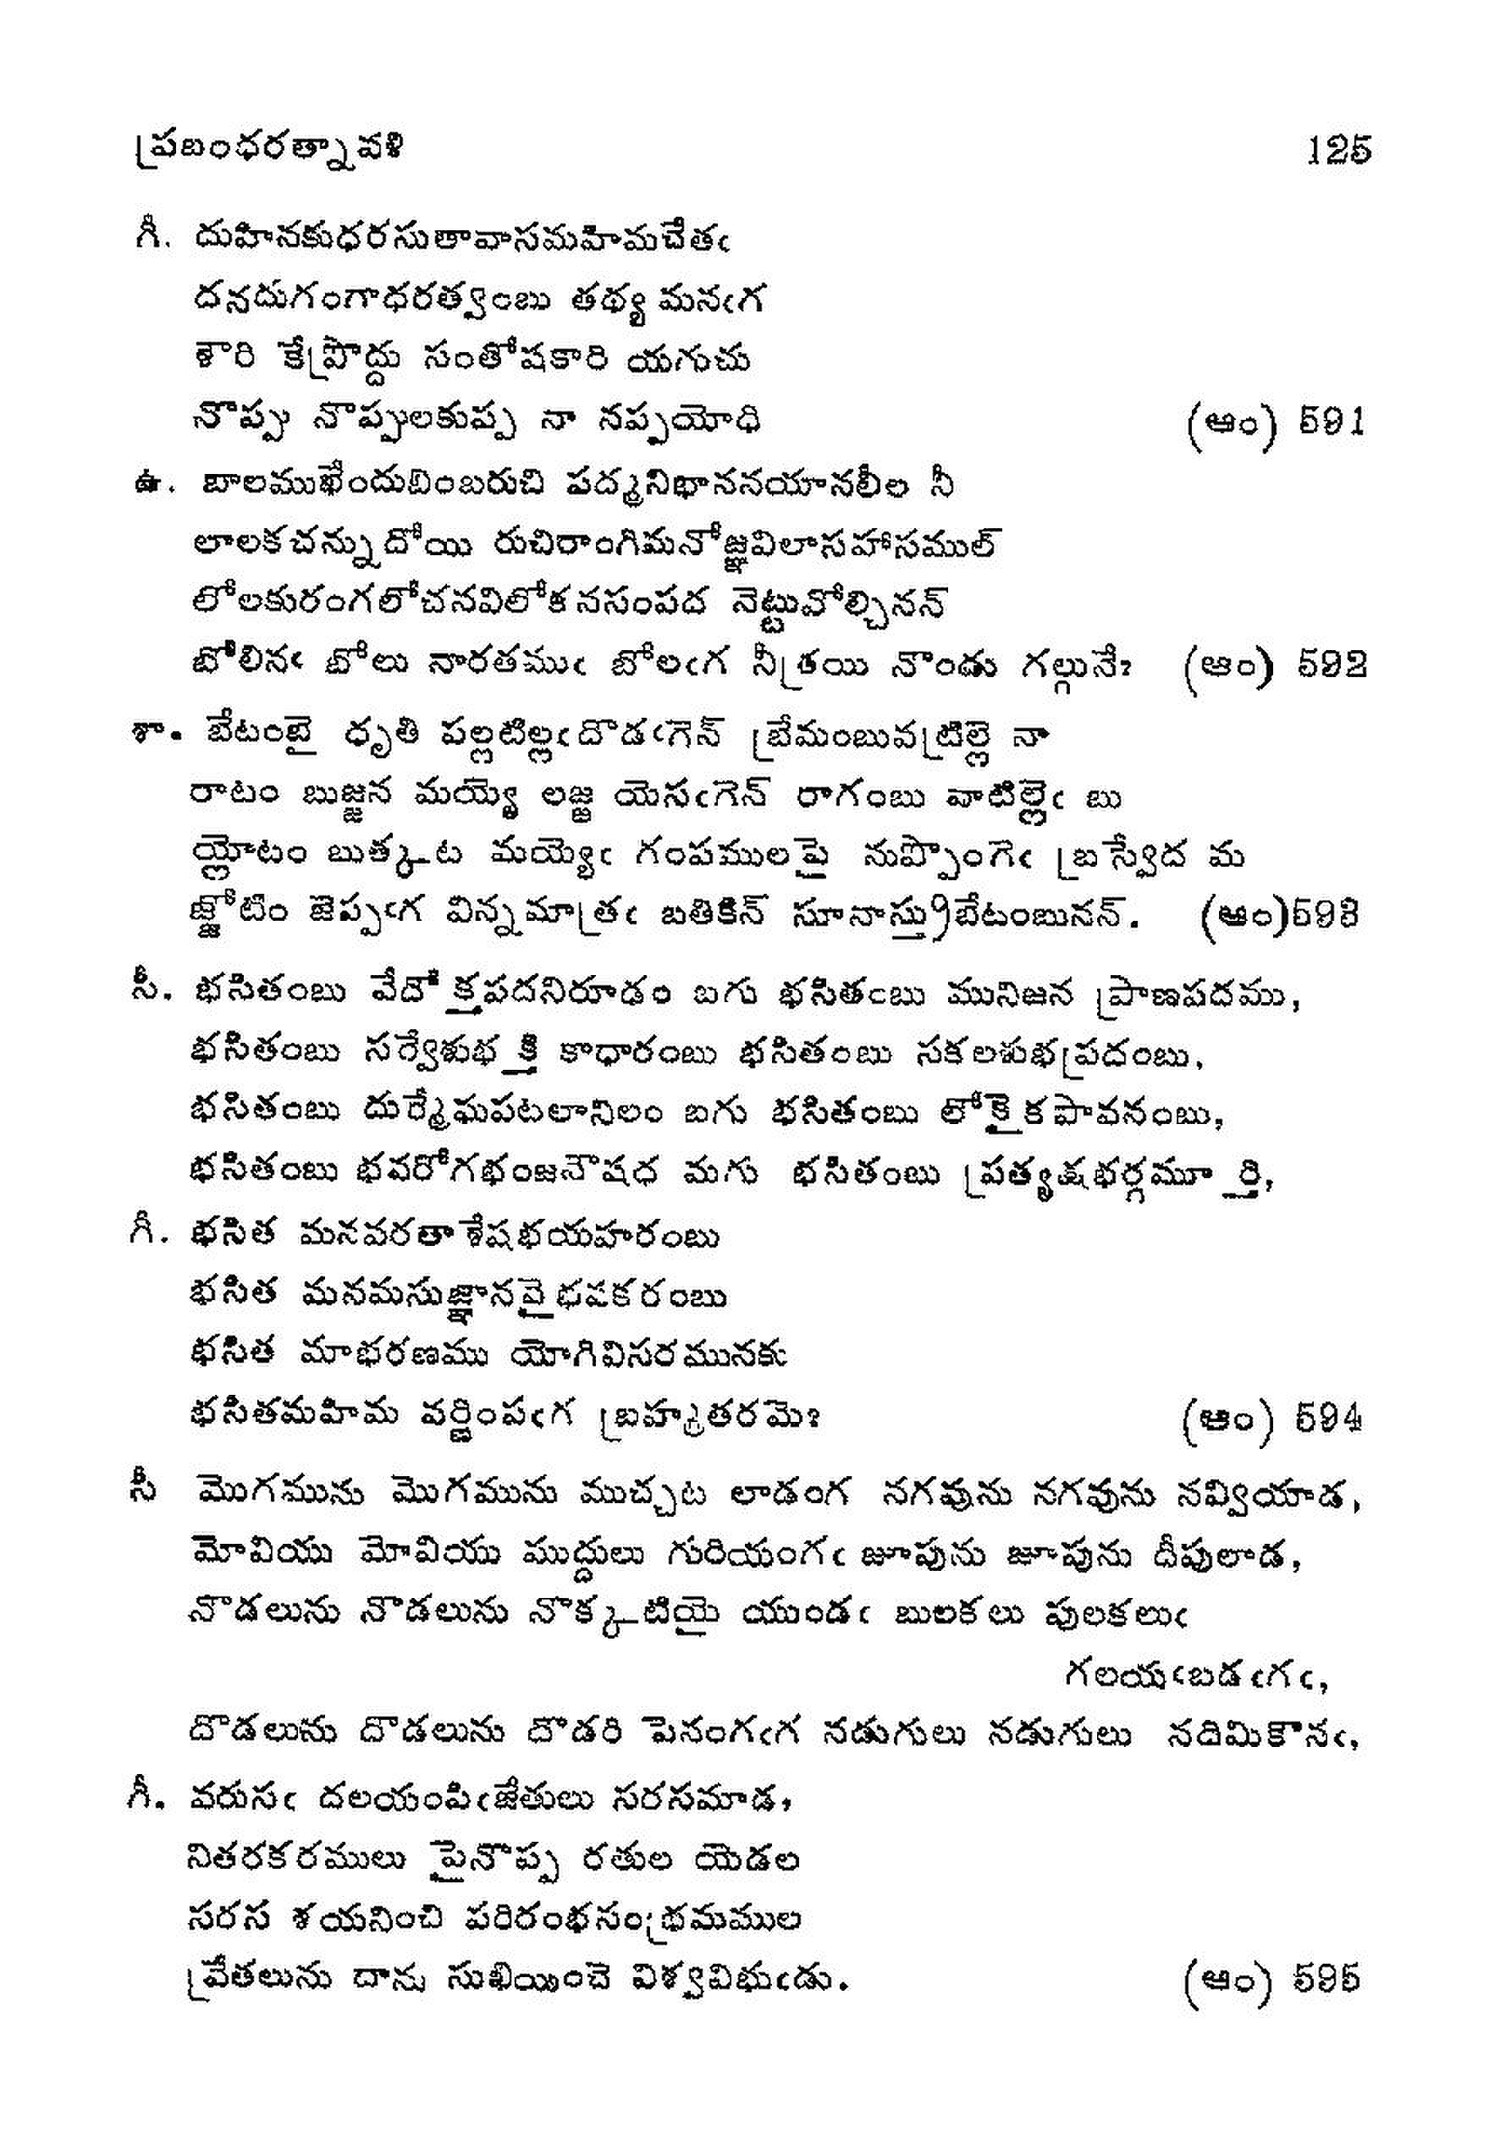గీ. దుహినకుధరసుతావాసమహిమచేతఁ
దనదు గంగాధరత్వంబు తథ్య మనఁగ
శౌరి కే ప్రొద్దు సంతోషకారి యగుచు
నొప్పు నొప్పులకుప్ప నా నప్పయోధి. (ఆం) 591

ఉ. బాలముఖేందుబింబరుచి పద్మనిభానన యాన లీల నీ
లాలక చన్నుదోయి రుచిరాంగి మనోజ్ఞవిలాసహాసముల్
లోలకురంగలోచన విలోకనసంపద నెట్టువోల్చినన్
బోలినఁ బోలు నారతముఁ బోలఁగ నీ త్రయి నొండు గల్గునే? (ఆం) 592

శా. బేటంబై దృతి పల్లటిల్లఁదొడఁగెన్ బ్రేమంబు వట్రిల్లె నా
రాటం బుజ్జనమయ్యె లజ్జ యెసఁగెన్ రాగంబు వాటిల్లెఁ బు
య్లోటం బుత్కటమయ్యెఁ గంపములపై నుప్పొంగెఁ బ్రస్వేద మ
జ్జోటిం జెప్పఁగ విన్నమాత్రఁ బతికిన్ సూనాస్త్రుబేటంబునన్. (ఆం) 593

సీ. భసితంబు వేదోక్తపదనిరూఢంబగు భసితంబు మునిజనప్రాణపదము
భసితంబు సర్వేశుభక్తి కాధారంబు భసితంబు సకలశుభప్రదంబు
భసితంబు దుర్మేఘపటలానిలంబగు భసితంబు లోకైకపావనంబు
భసితంబు భవరోగభంజనౌషధమగు భసితంబు ప్రత్యక్షభర్గమూర్తి
గీ. భసిత మనవరతాశేషభయహరంబు
భసిత మసమసుజ్ఞానవైభవకరంబు
భసిత మాభరణము యోగివిసరమునకు
భసితమహిమ వర్ణింపఁగ బ్రహ్మతరమె? (ఆం) 594

సీ. మొగమును మొగమును ముచ్చట లాడంగ నగవును నగవును నవ్వియాడ,
మోవియు మోవియు ముద్దులు గురియంగఁ జూపును జూపును దీపులాడ,
నొడలును నొడలును నొక్కటియై యుండఁ బులకలు పులకలుఁ గలయఁబడగఁ
దొడలును దొడలును దొడరి పెనంగఁగ నడుగులు నడుగులు నదిమి కొనఁగ
గీ. వరుసఁ దలయంపిఁ జేతులు సరసమాడ,
నితరకరములు పైనొప్ప రతుల యెడల
సరస శయనించి పరిరంభసంభ్రమముల
వ్రేతలును దాను సుఖియించె విశ్వవిభుఁడు. (ఆం) 595